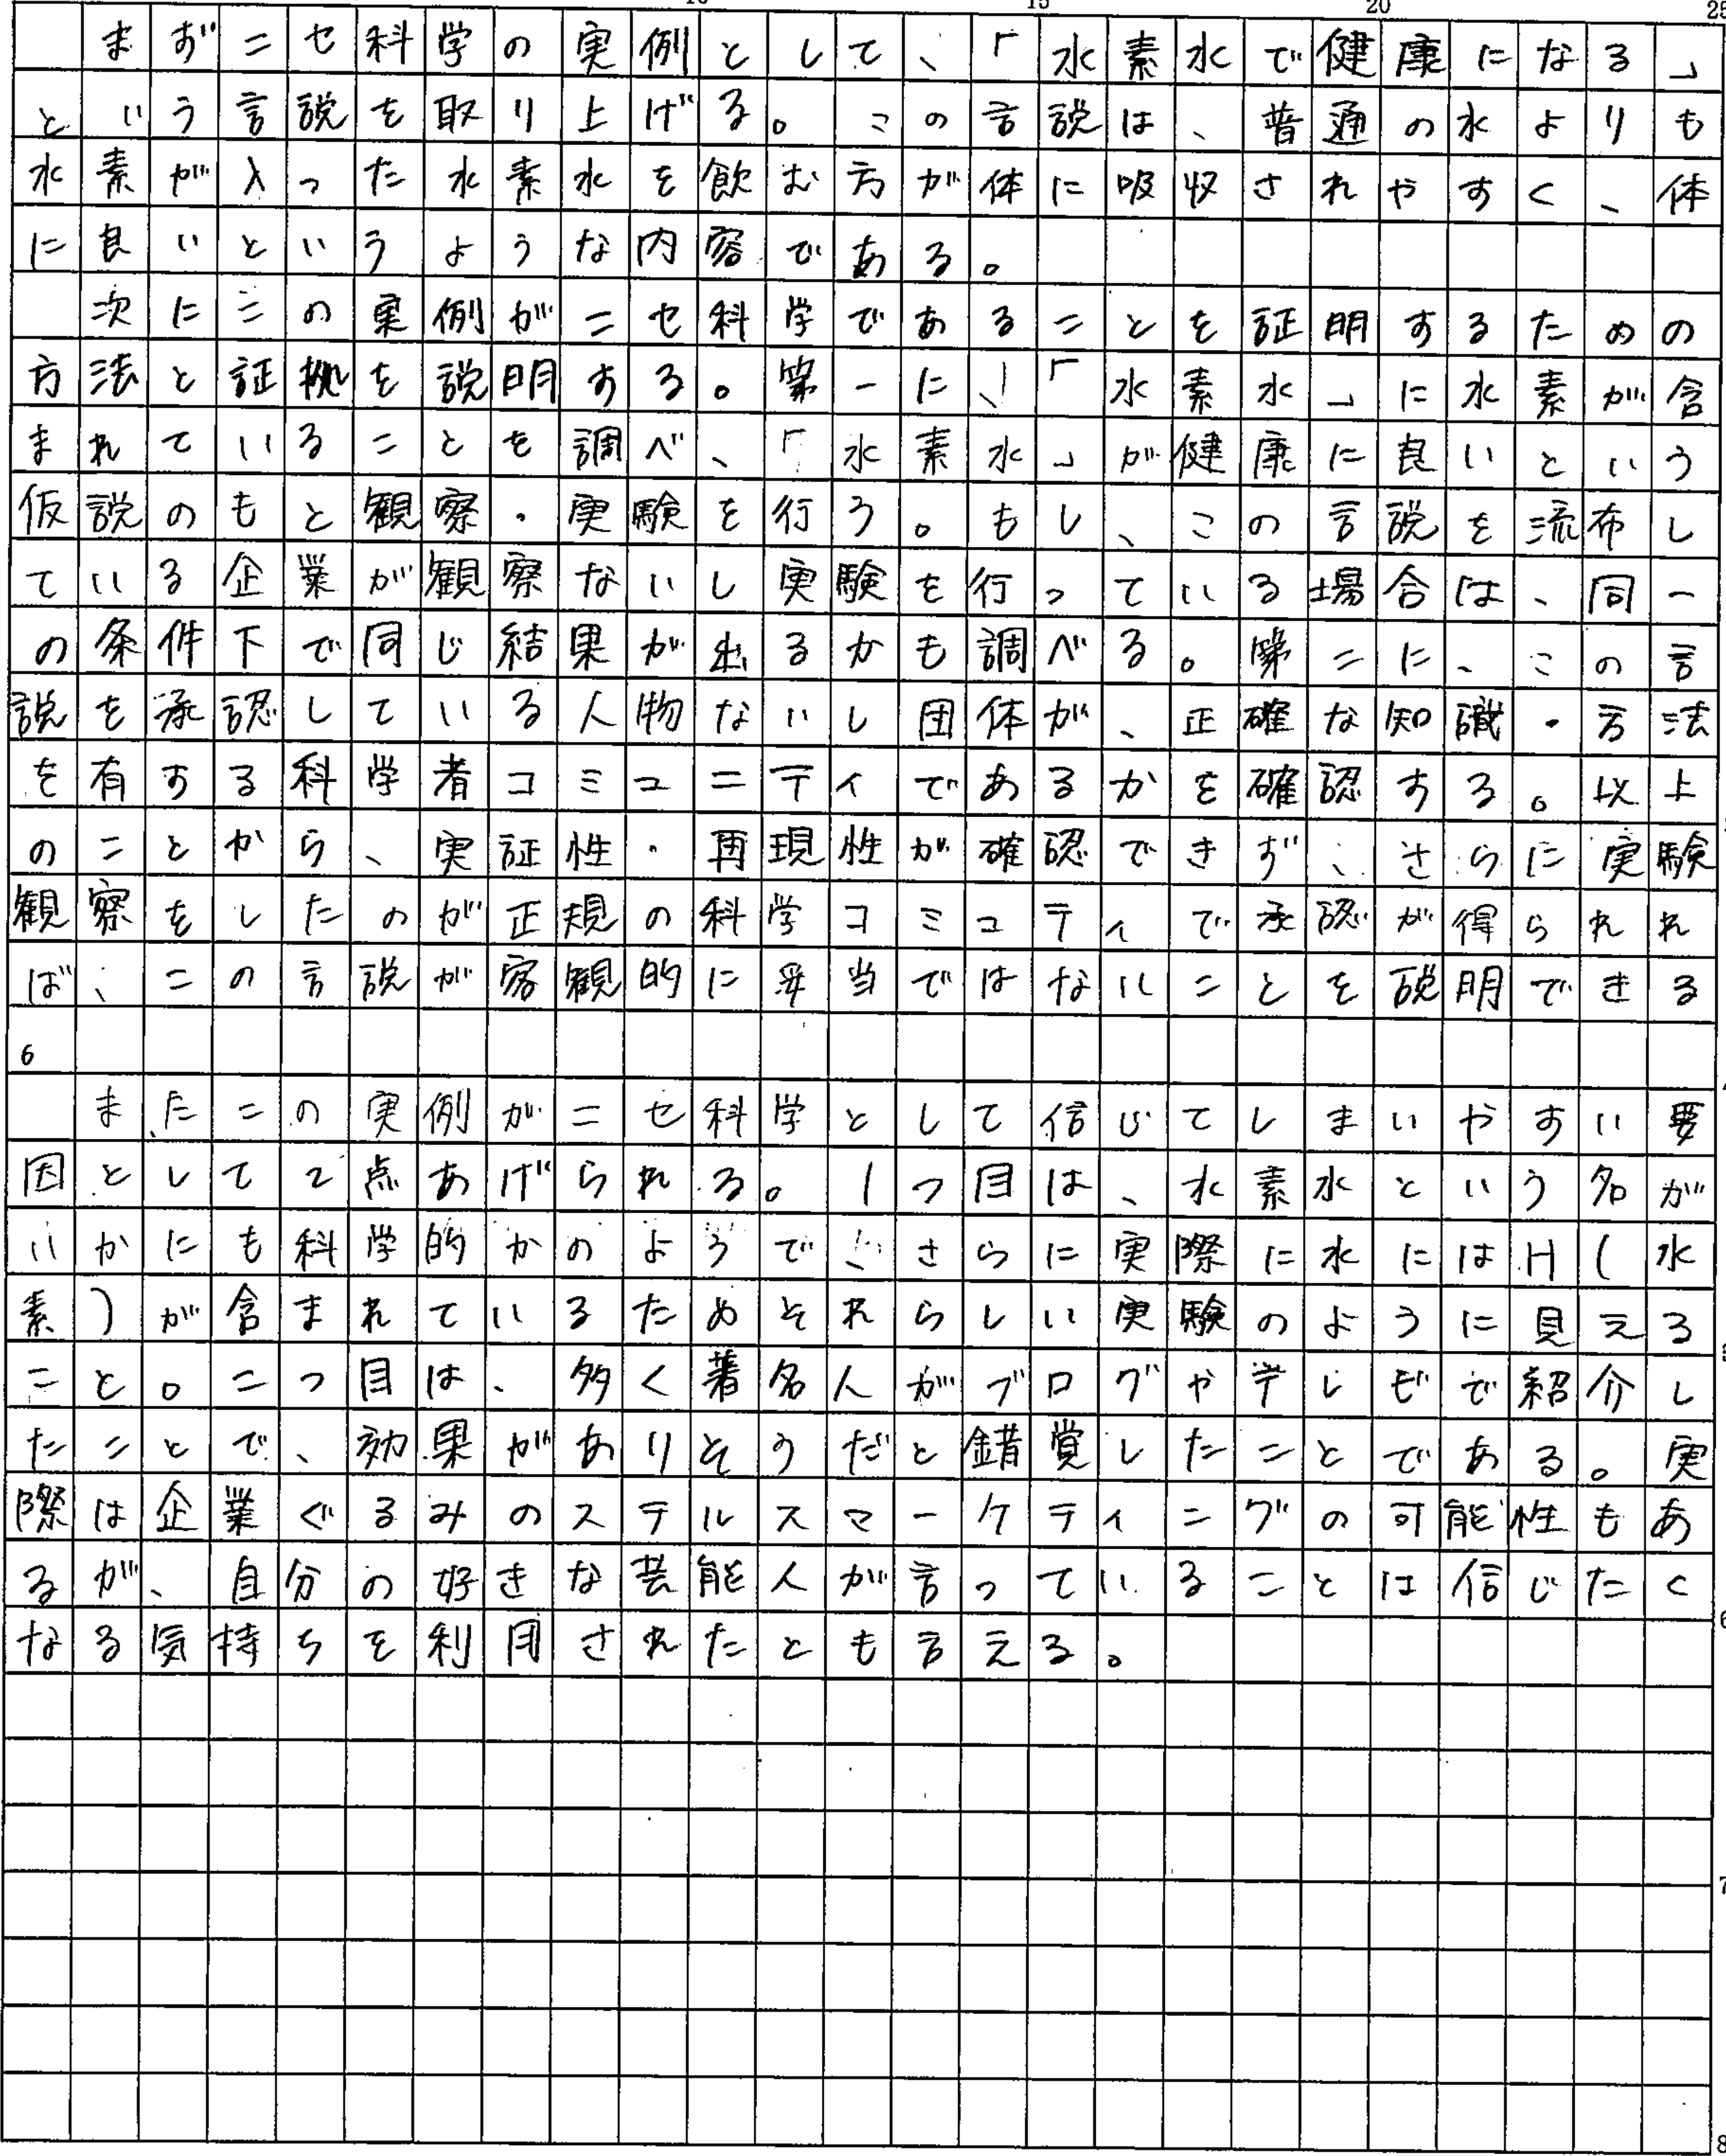　まずニセ科学の実例として、「水素水で健康になる」という言説を取り上げる。この言説は、普通の水よりも水素が入った水素水を飲む方が体に吸収されやすく、体に良いというような内容である。
　次にこの実例がニセ科学であることを証明するための方法と証拠を説明する。第一に、「水素水」に水素が含まれていることを調べ、「水素水」が健康に良いという仮説のもと観察・実験を行う。もし、この言説を流布している企業が観察ないし実験を行っている場合は、同一の条件下で同じ結果が出るかも調べる。第二に、この言説を承認している人物ないし団体が、正確な知識・方法を有する科学者コミュニティであるかを確認する。以上のことから、実証性・再現性が確認できず、さらに実験観察をしたのが正規の科学コミュティで承認が得られれば、この言説が客観的に妥当ではないことを説明できる。
　またこの実例がニセ科学として信じてしまいやすい要因として２点あげられる。１つ目は、水素水という名がいかにも科学的かのようで、さらに実際に水にはＨ（水素）が含まれているためそれらしい実験のように見えること。二つ目は、多く著名人がブログやテレビで紹介したことで、効果がありそうだと錯覚したことである。実際は企業ぐるみのステルスマーケティングの可能性もあるが、自分の好きな芸能人が言っていることは信じたくなる気持ちを利用されたとも言える。
